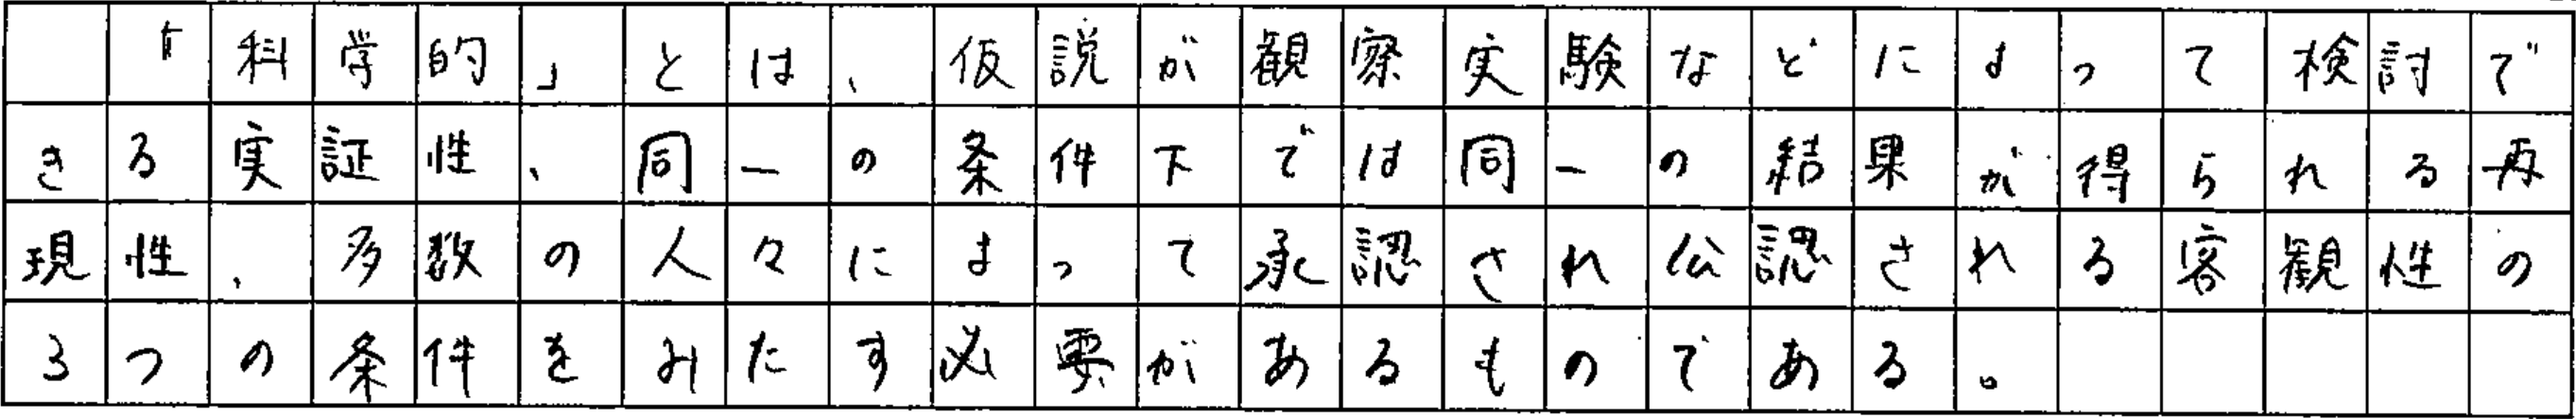　「科学的」とは、仮説が観察実験などによって検討できる実証性、同一の条件下では同一の結果が得られる再現性、多数の人々によって承認され公認される客観性の３つの条件をみたす必要があるものである。
